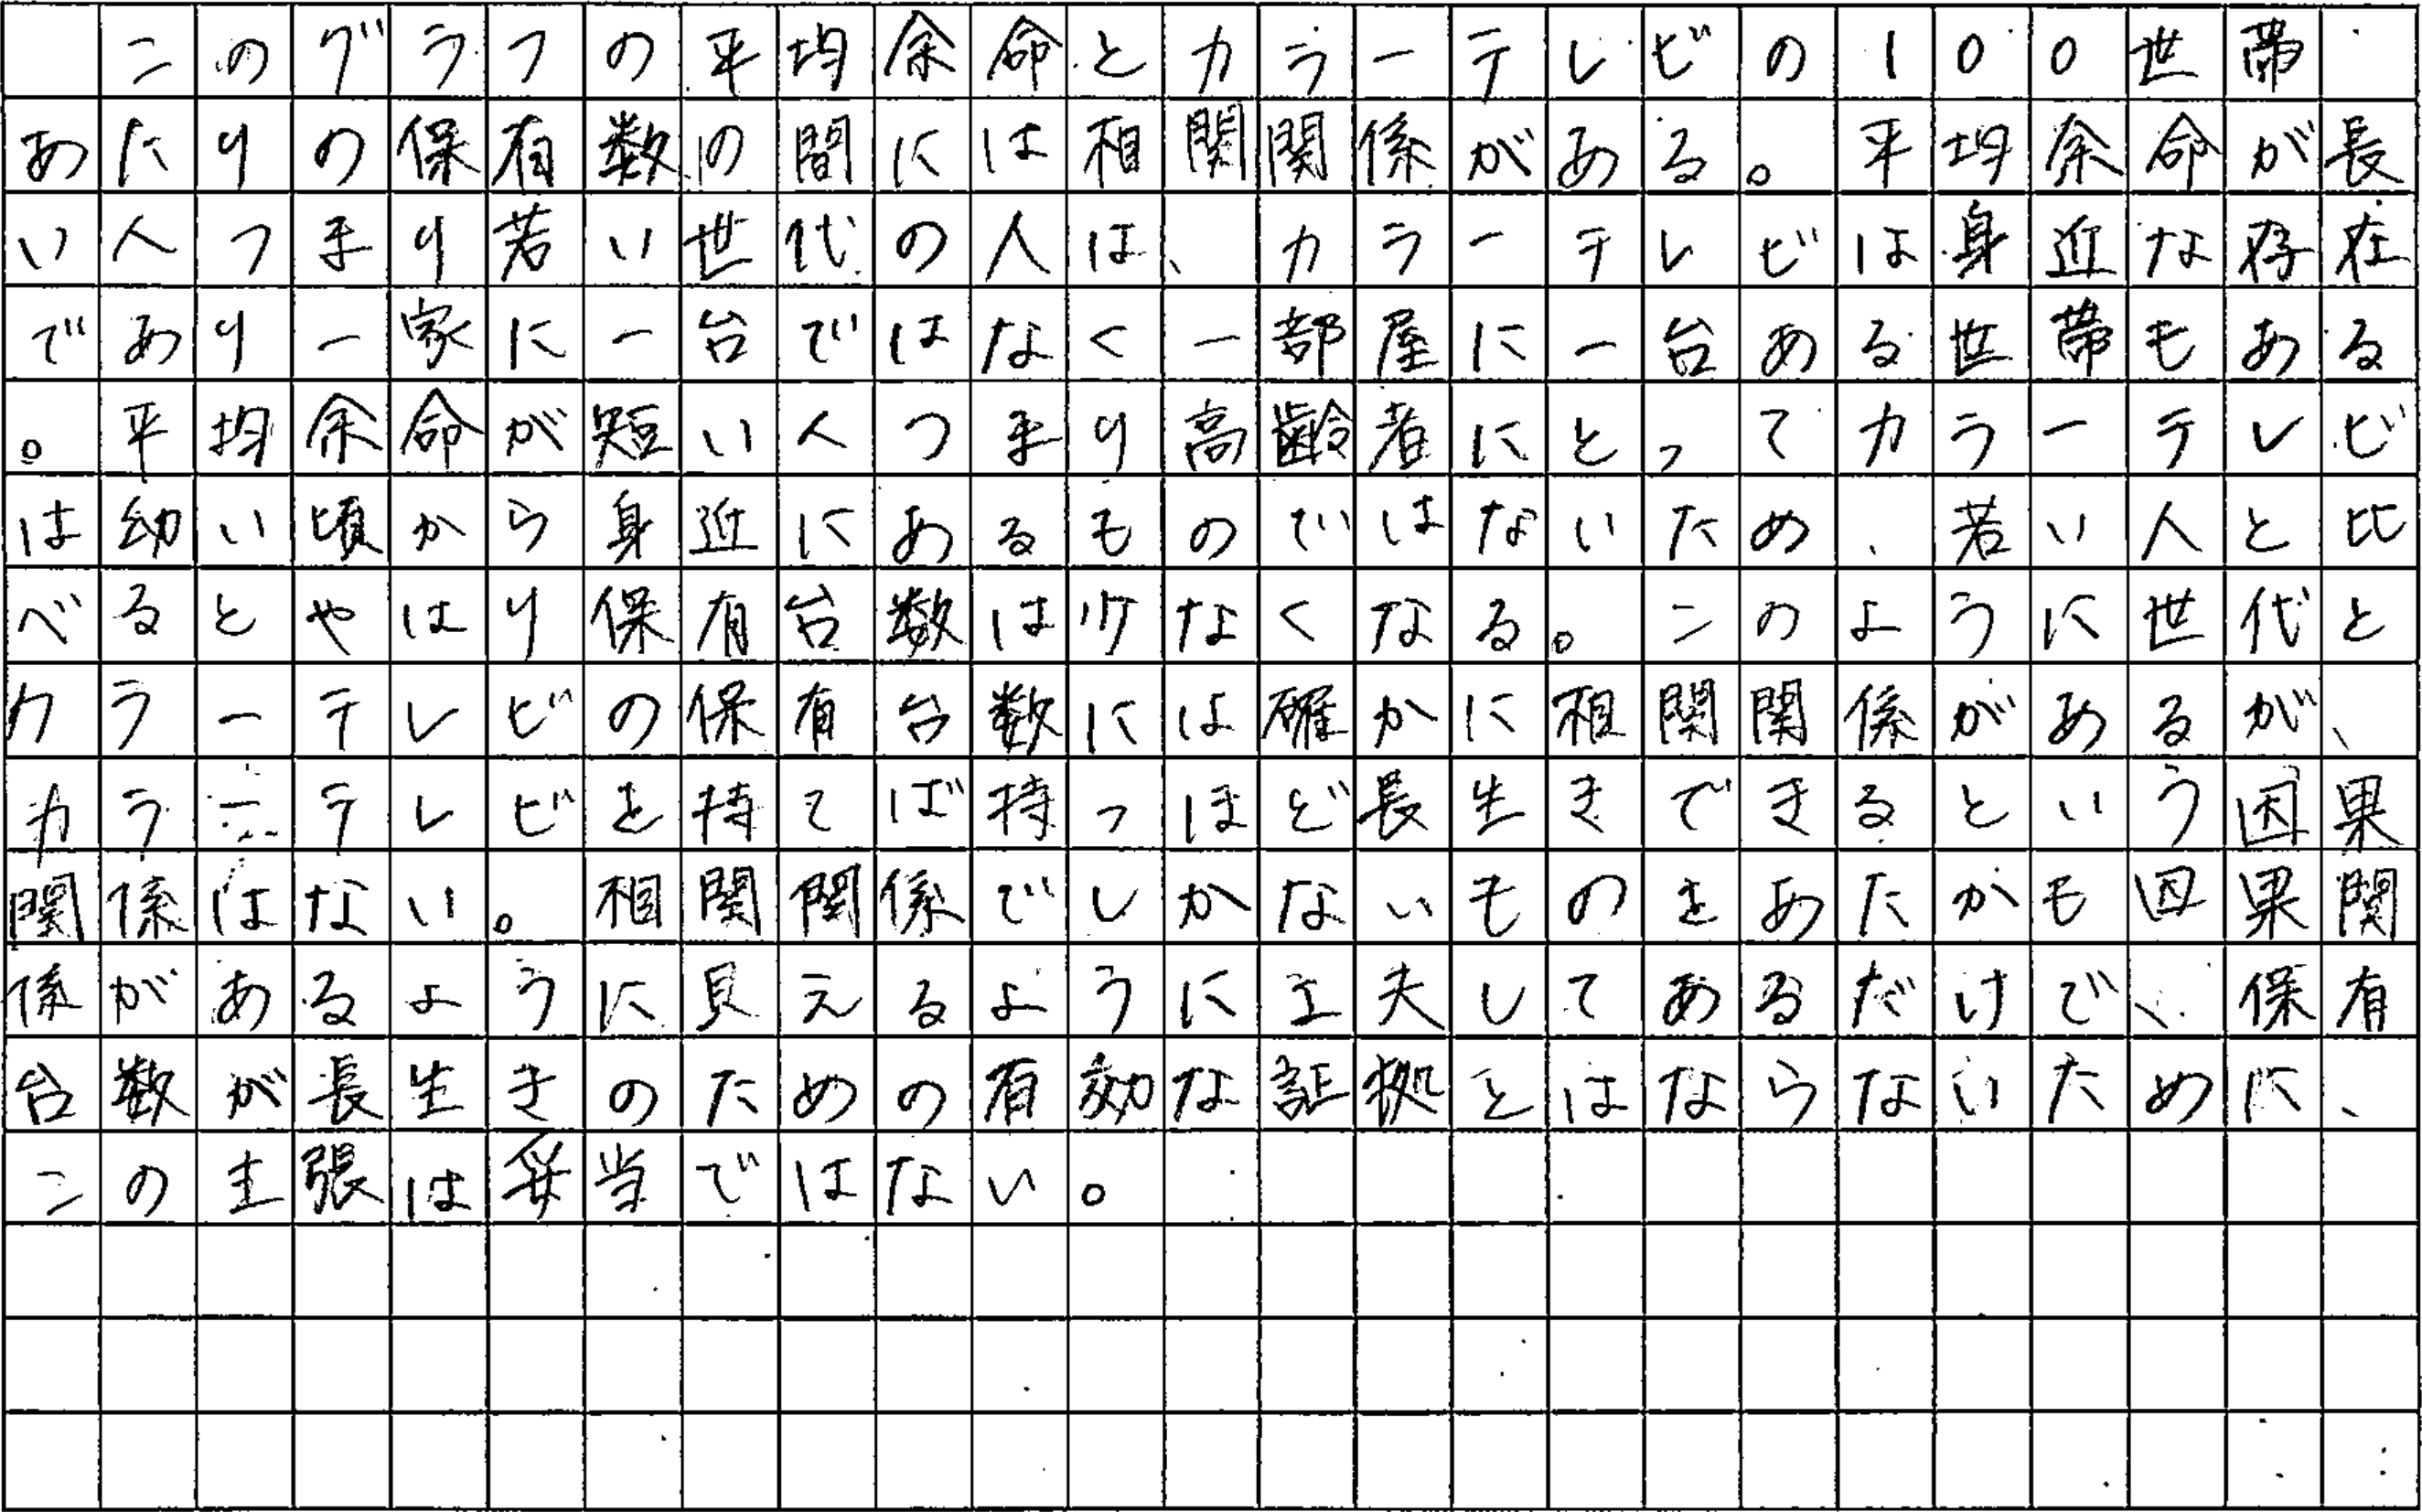　このグラフの平均余命とカラーテレビの１００世帯　あたりの保有数の間には相関関係がある。平均余命が長い人つまり若い世代の人は、カラーテレビは身近な存在であり一家に一台ではなく一部屋に一台ある世帯もある。平均余命が短い人つまり高齢者にとってカラーテレビは幼い頃から身近にあるものではないため、若い人と比べるとやはり保有台数は少なくなる。このように世代とカラーテレビの保有台数には確かに相関関係があるが、カラーテレビを持てば持つほど長生きできるという因果関係はない。相関関係でしかないものをあたかも因果関係があるように見えるように工夫してあるだけで、保有台数が長生きのための有効な証拠とはならないために、この主張は妥当ではない。
